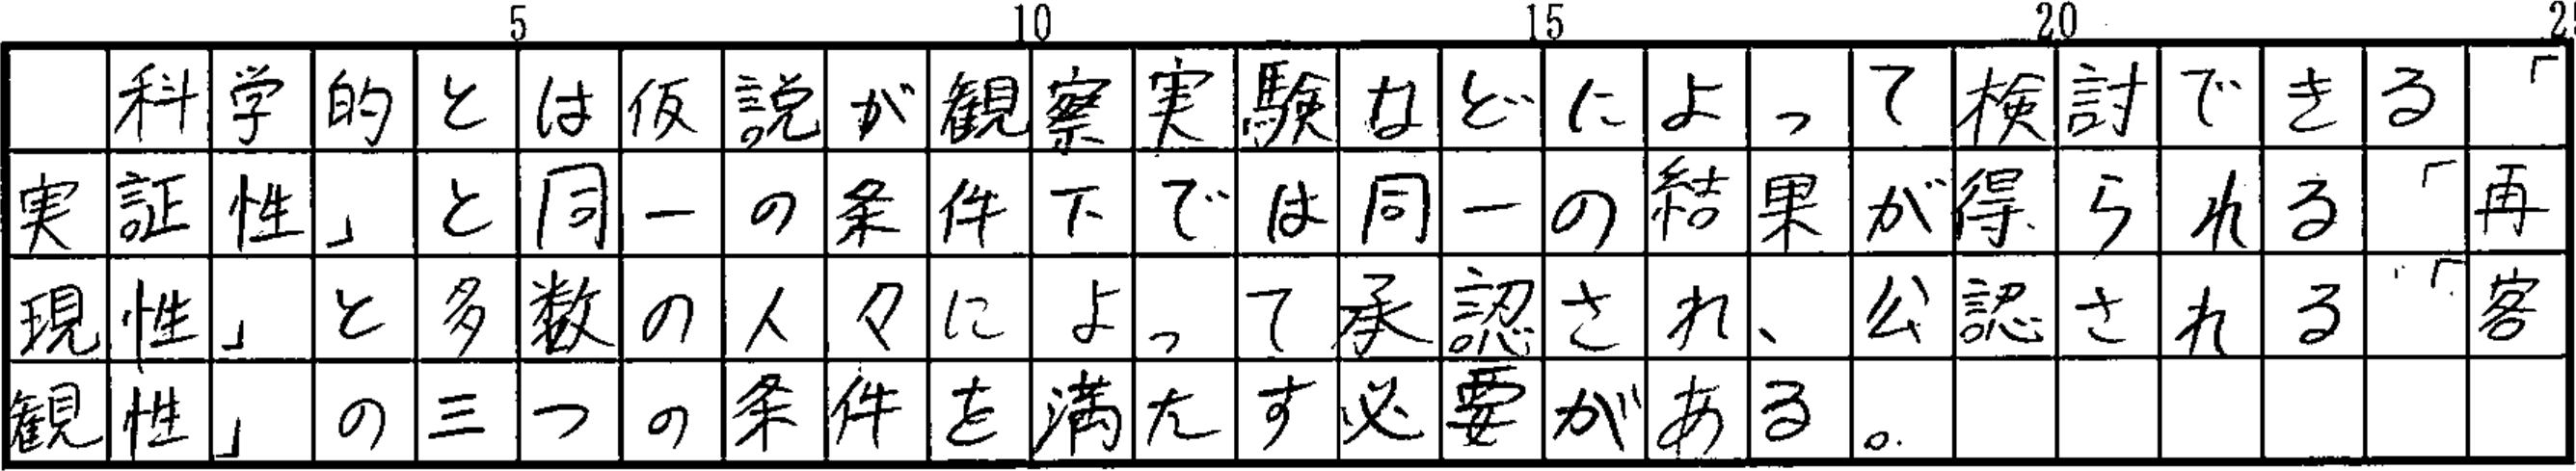　科学的とは仮説が観察実験などによって検討できる「実証性」と同一の条件下では同一の結果が得られる「再現性」と多数の人々によって承認され、公認される「客観性」の三つの条件を満たす必要がある。
